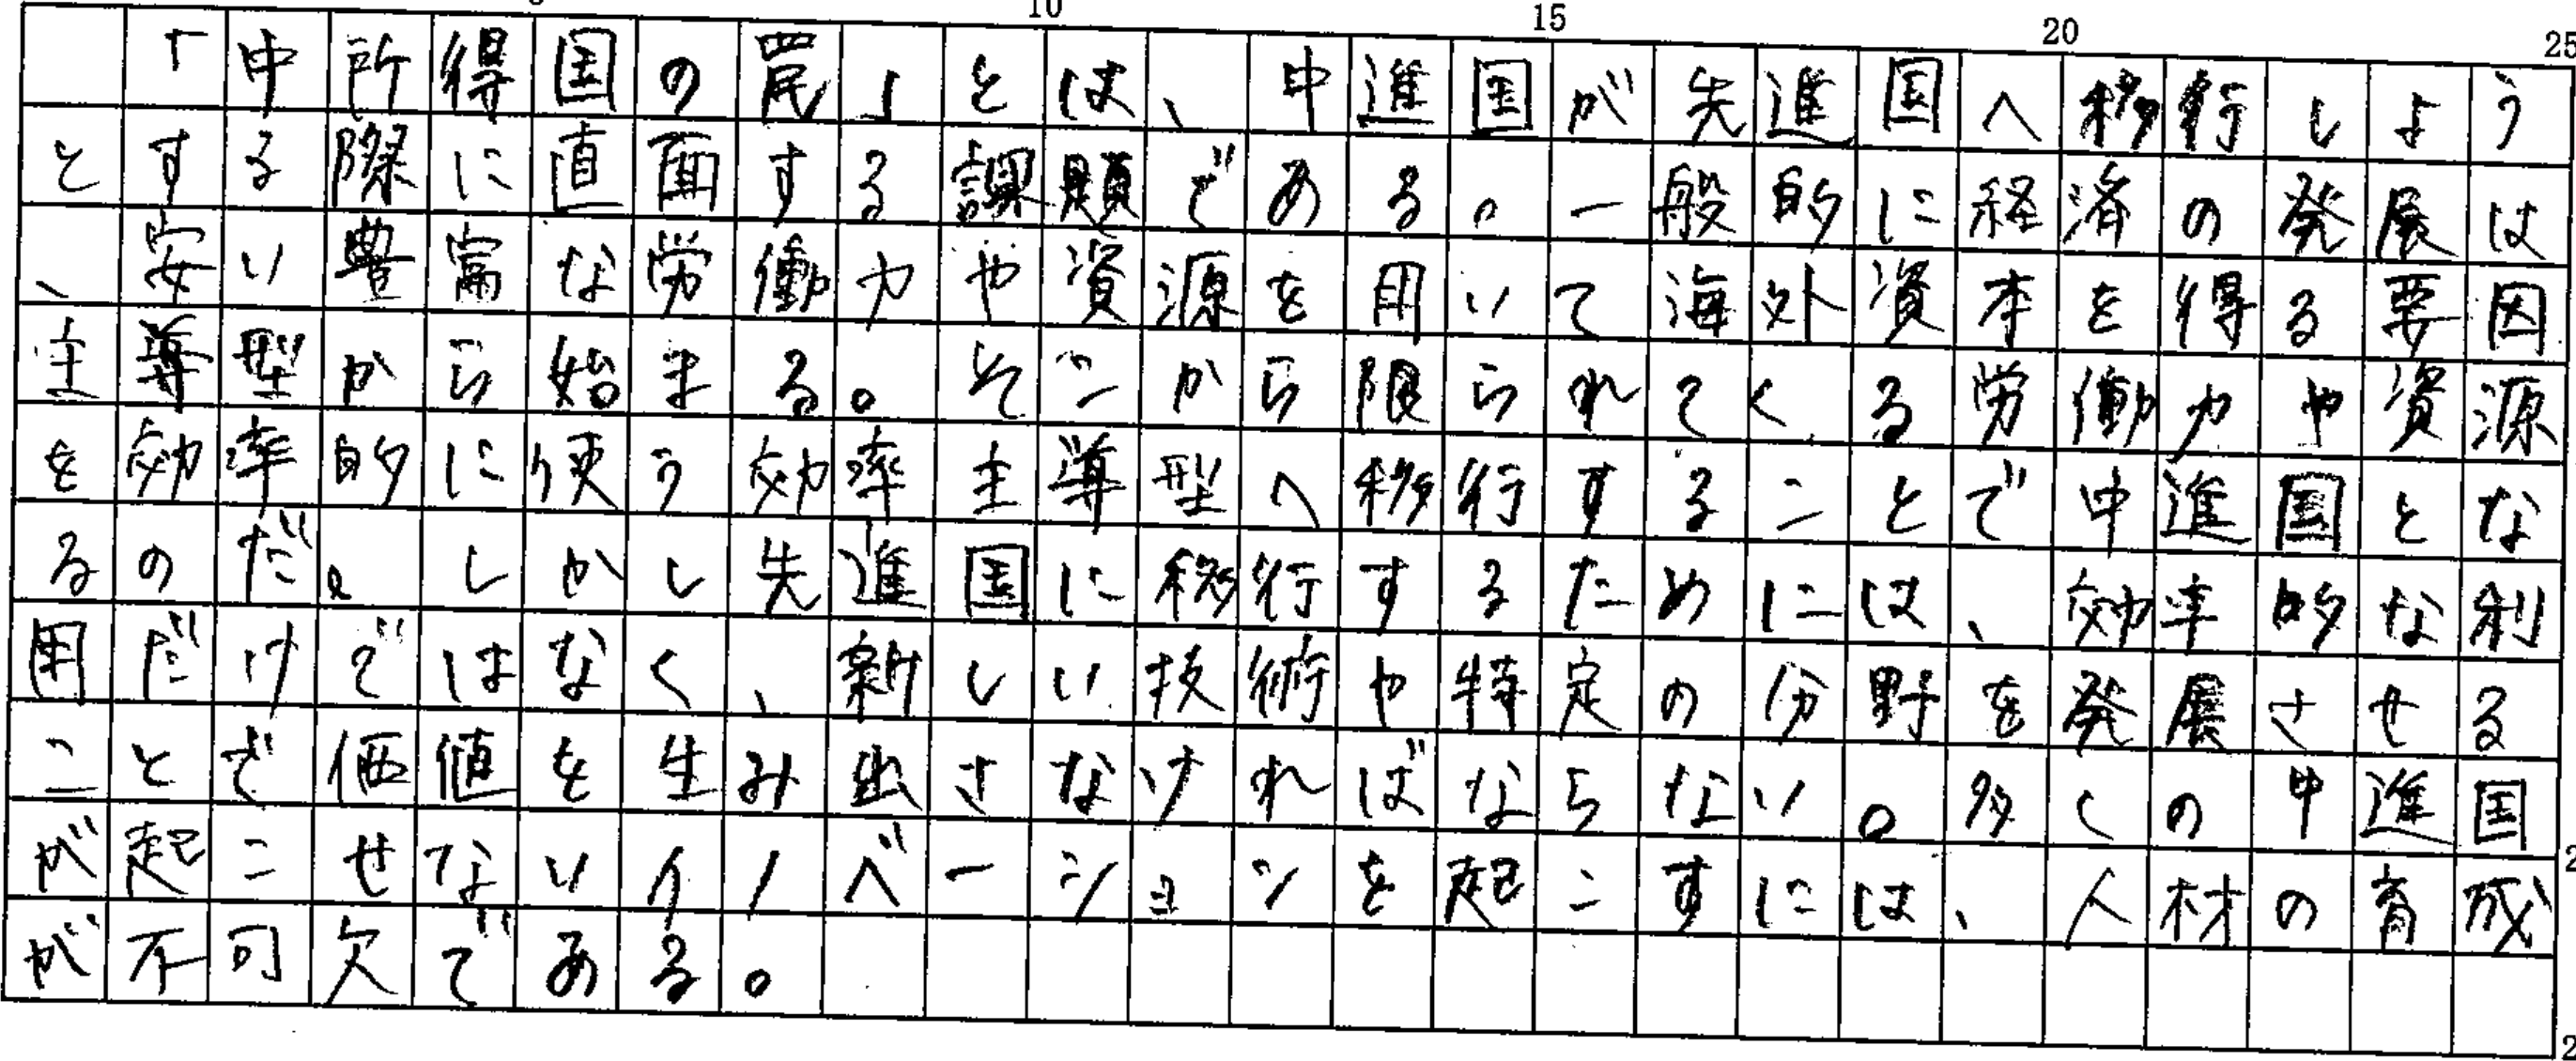　「中所得国の罠」とは、中進国が先進国へ移行しようとする際に直面する課題である。一般的に経済の発展は、安い豊富な労働力や資源を用いて海外資本を得る要因主導型から始まる。そこから限られてくる労働力や資源を効率的に使う効率主導型へ移行することで中進国となるのだ。しかし先進国に移行するためには、効率的な利用だけではなく、新しい技術や特定の分野を発展させることで価値を生み出さなければならない。多くの中進国が起こせないイノベーションを起こすには、人材の育成が不可欠である。
